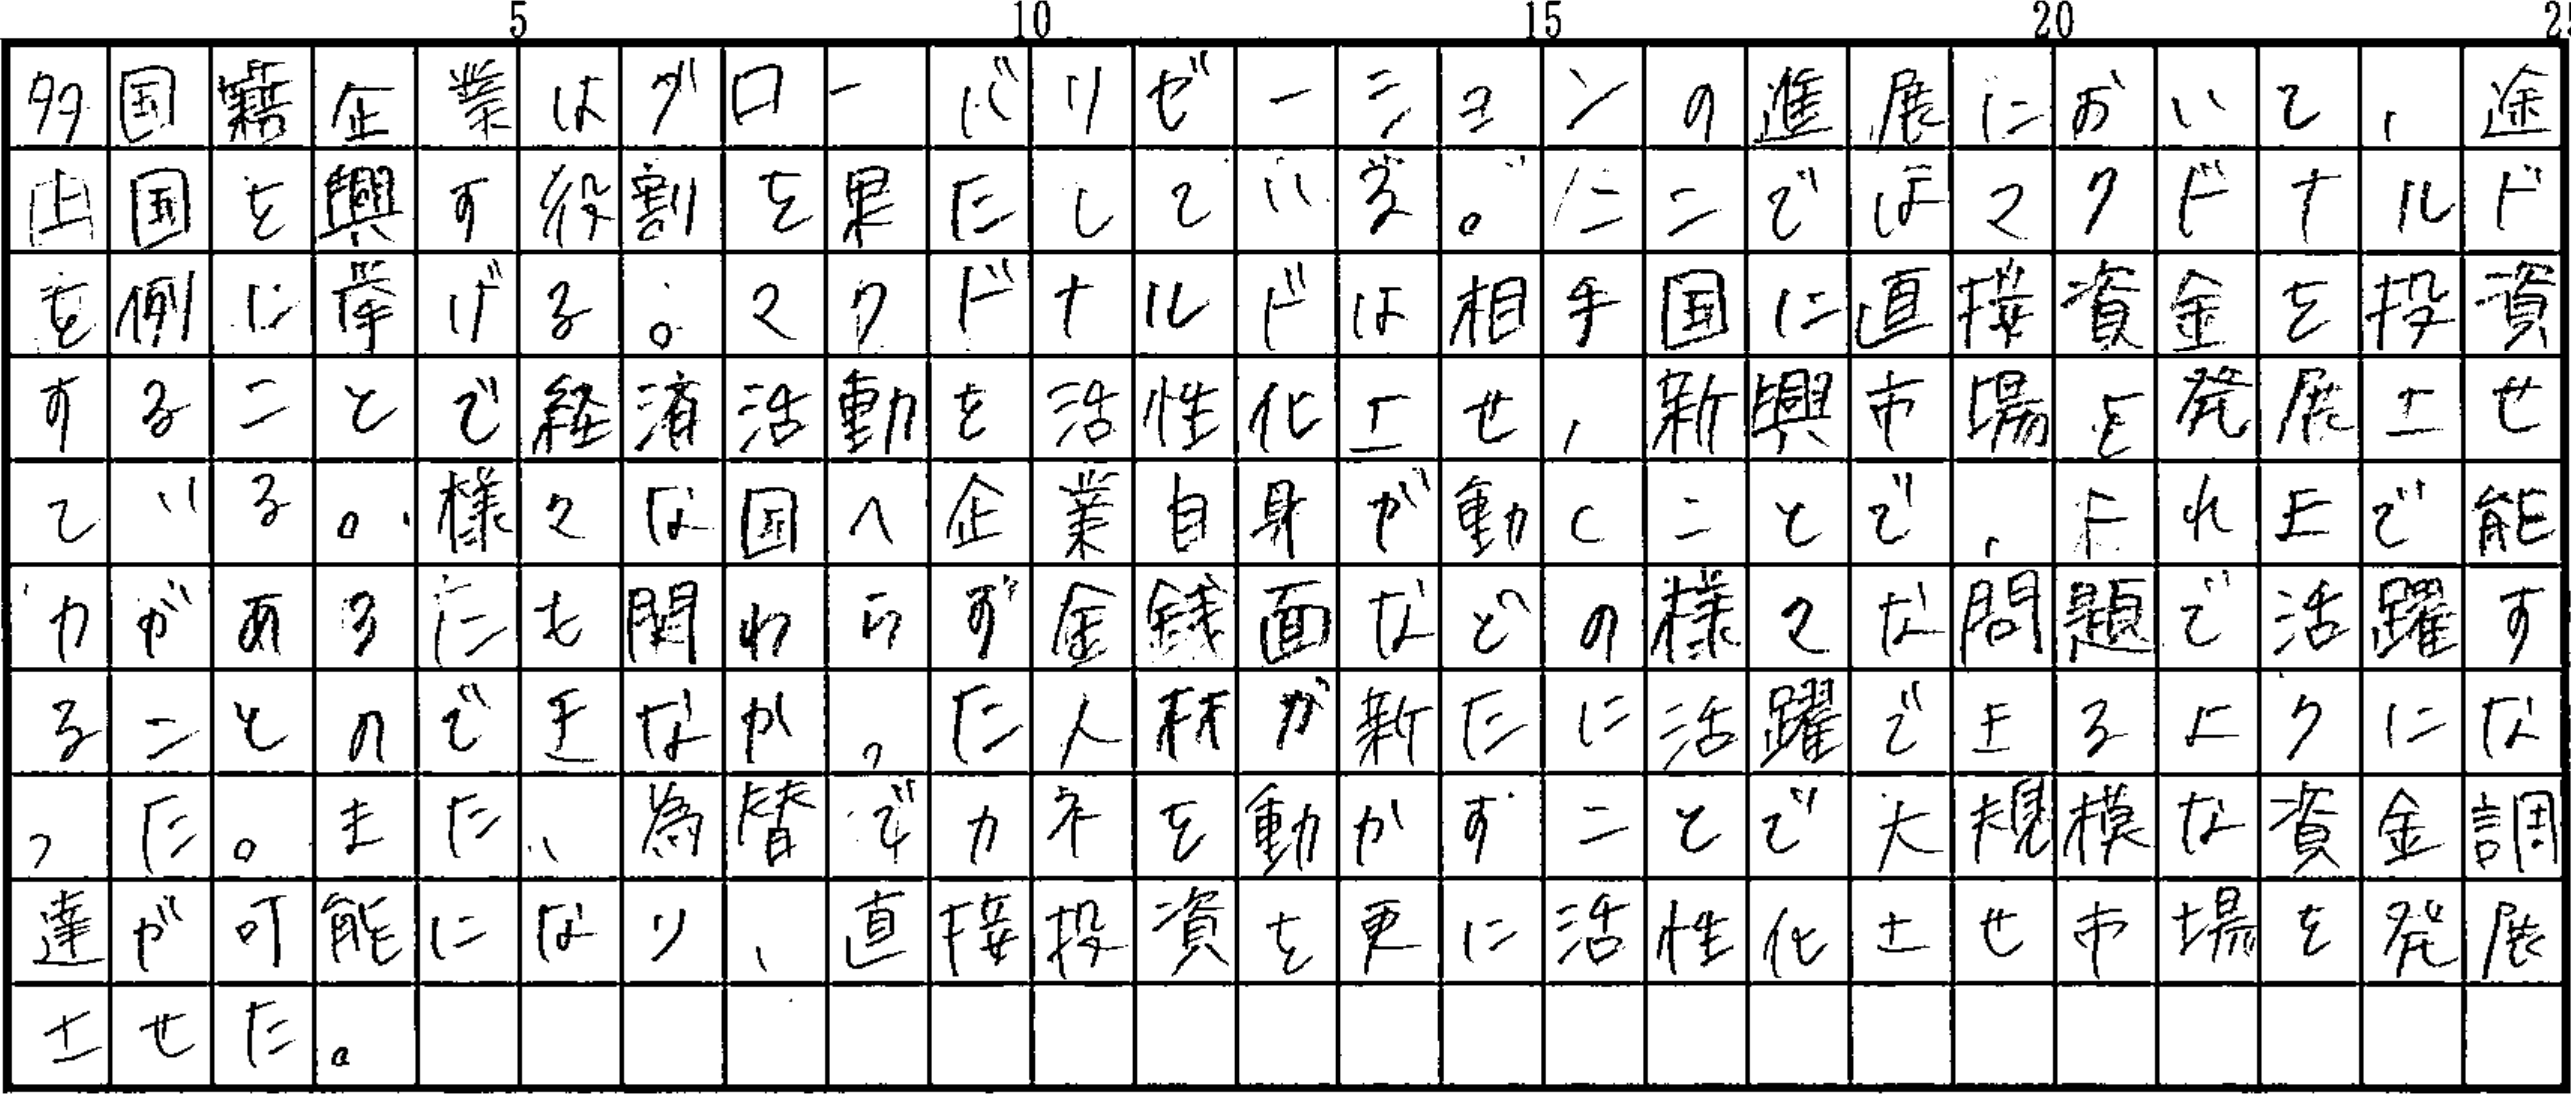多国籍企業はグローバリゼーションの進展において、途上国を興す役割を果たしている。ここではマクドナルドを例に挙げる。マクドナルドは相手国に直接資金を投資することで経済活動を活性化させ、新興市場を発展させている。様々な国へ企業自身が動くことで、これまで能力があるにも関わらず金銭面などの様々な問題で活躍することのできなかった人材が新たに活躍できるようになった。また、為替でカネを動かすことで大規模な資金調達が可能になり、直接投資を更に活性化させ市場を発展させた。
